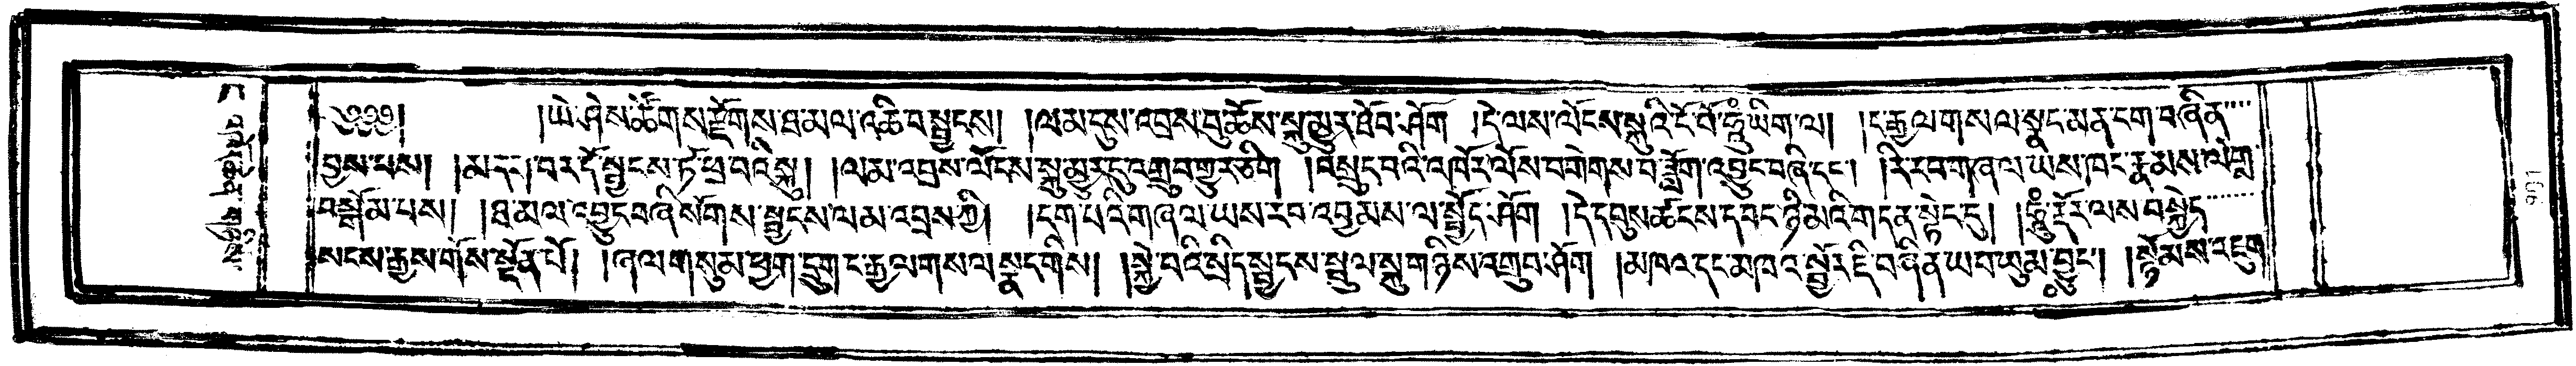༄༅། །ཡེ་ཤེས་ཚོགས་རྫོགས་ཐ་མལ་འཆི་བ་སྦྱངས། །ལམ་དུས་འབྲས་བུ་ཆོས་སྐུ་མྱུར་ཐོབ་ཤོག །དེ་ལས་ལོངས་སྐུའི་ངོ་བོ་ཧཱུཾ་ཡིག་ལ། །ང་རྒྱལ་གསལ་སྣང་མན་ངག་བཞིན་
བྱས་པས། །མ་དང་། བར་དོ་སྦྱངས་ཏོ་ཕྲ་བའི་སྐུ། །ལམ་འབྲས་ལོངས་སྐུ་མྱུར་དུ་འགྲུབ་གྱུར་ཅིག །འྶྲུང་པའི་འཁོར་ལོས་བགེགས་པ་ཟློག་འབྱུང་བཞི་དང་། །རི་རབ་གཞལ་ཡིས་ཁང་རྣམས་ལེགས་
བསྒོམ་པས། །ཐ་མལ་འབྱུང་བཞི་སོགས་སྦྱངས་ལམ་འབྲས་ཀྱི། །དག་པའི་གཞལ་ཡས་རབ་འབྱམས་ལ་སྤྱོད་ཤོག །དེ་དབུས་ཚངས་དབང་ཉི་མའི་གདན་སྟེང་དུ། །ཧཱུཾ་རྡོར་ལས་བསྐྱེད་
སངས་རྒྱས་གོས་སྔོན་པོ། །ཞལ་གསུམ་ཕྱག་དྲུག་ང་རྒྱལ་གསལ་སྣང་གིས། །སྐྱེ་བའི་སྲིད་སྦྱངས་སྦུལ་སྐུ་གཉིས་འགྲུབ་ཤོག །མཁའ་དང་མཁའ་སྦྱོར་ཇི་བཞིན་ཡབ་ཡུམ་བྱུང་། །སྙོམས་འཇུག་